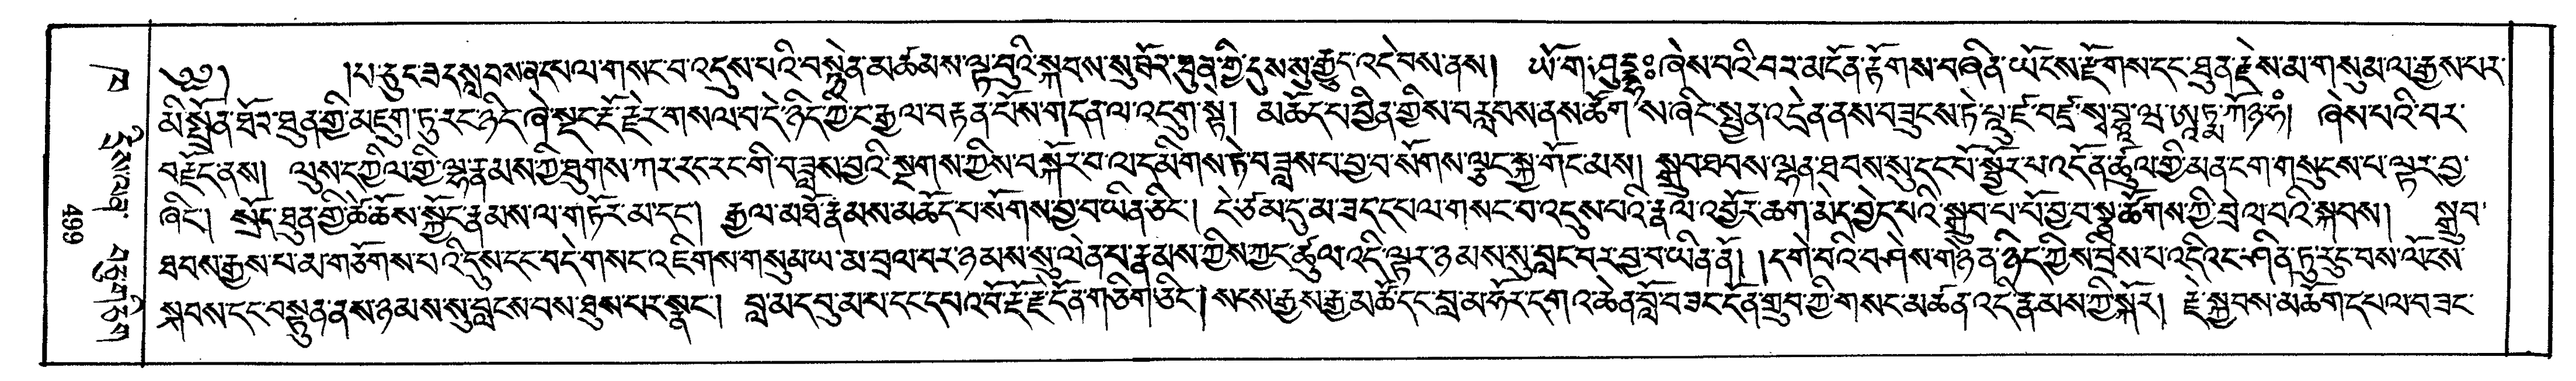༄༅། །པ་ཅུང་ཟད་བླངས་ན་དཔལ་གསང་བ་འདུས་པའི་བསྙེན་མཚམས་ལྟ་བུའི་སྐབས་སུ་ཐོར་ཐུན་གྱི་དུས་སུ་རྒྱུད་འདེབས་ནས། ཡོ་ག་ཤུདྡྷཱཿ ཞེས་པའི་བར་མངོན་རྟོགས་བཞིན་ཡོངས་རྫོགས་དང་ཐུན་རྗེས་མ་གསུམ་ལ་རྒྱས་པར་
མི་སྤྲོ་ན་ཐོར་ཐུན་གྱི་མཇུག་ཏུ་རང་ཉིད་ཞེ་སྡང་རྡོ་རྗེར་གསལ་བ་དེ་ཉིད་ཀྱི་ང་རྒྱལ་བརྟན་པོས་གདན་ལ་འདུག་སྟེ། མཆོད་པ་བྱིན་གྱིས་བརླབས་ནས་ཚོགས་ཞིང་སྤྱན་འདྲེན་ནས་བཟུངས་ཏེ་པཱུ་ཛ་བཛྲ་སྭ་བྷཱ་ཝ་ཨཱ་ཏྨ་ཀོཉ་ཧཾ། ཞེས་པའི་པར་
བརྗོད་ནས། ལུས་དཀྱིལ་གྱི་ལྷ་རྣམས་ཀྱི་ཐུགས་ཀར་རང་རང་གི་བཟླས་བྱའི་སྔགས་ཀྱིས་བསྐོར་བ་ལ་དམིགས་ཏེ་བཟླས་པ་བྱ་བ་སོགས་ལྕང་སྐྱ་གོང་མས། སྒྲུབ་ཐབས་ལྷན་ཐབས་སུ་དང་པོ་སྤྱོར་བ་འདོན་ཚུལ་གྱི་མན་ངག་གསུངས་པ་ལྟར་བྱ་
ཞིང༑ སྲོང་ཐུན་གྱི་ཚེ་ཆོས་སྐྱོང་རྣམས་ལ་གཏོར་མ་དང་། རྒྱལ་མཐོ་རྣམས་མཆོད་པ་སོགས་བྱ་བ་ཡིན་ཅིང་། དེ་ཙམ་དུ་མ་ཟད་དཔལ་གསང་བ་འདུས་པའི་རྣལ་འབྱོར་ཆག་མེད་བྱེད་པའི་སྒྲུབ་པ་པོ་བྱ་བ་སྣ་ཚོགས་ཀྱི་བྲེལ་བའི་སྐབས། སྒྲུབ་
ཐབས་རྒྱས་པ་མ་གཅོགས་པའི་དུས་དང་བདེ་གསང་འཇིགས་གསུམ་ཡ་མ་བྲལ་བར་ཉམས་སུ་ལེན་པ་རྣམས་ཀྱིས་ཀྱང་ཚུལ་འདི་ལྟར་ཉམས་སུ་བླང་བར་བྱ་བ་ཡིན་ནོ། །དགེ་བའི་བཤེས་གཉེན་ཉིད་ཀྱིས་བྲིས་པ་འདིའང་ཤིན་ཏུ་རུང་བས་ལོངས་
སྐབས་དང་བསྟུན་ནས་ཉམས་སུ་བླངས་པས་ཐུས་པར་སྣང་། བླ་མ་དབུ་མ་དང་དཔའ་བོ་རྡོ་རྗེ་དོན་གཅིག་ཅིང་། སངས་རྒྱས་རྒྱ་མཚོ་དང་བླ་མ་ཧོར་དཀའ་ཆེན་བློ་བཟང་དོན་གྲུབ་ཀྱི་གསང་མཚན་འདི་རྣམས་ཀྱི་སྐོར། རྗེ་སྐྱབས་མཆོག་དཔལ་བཟང་